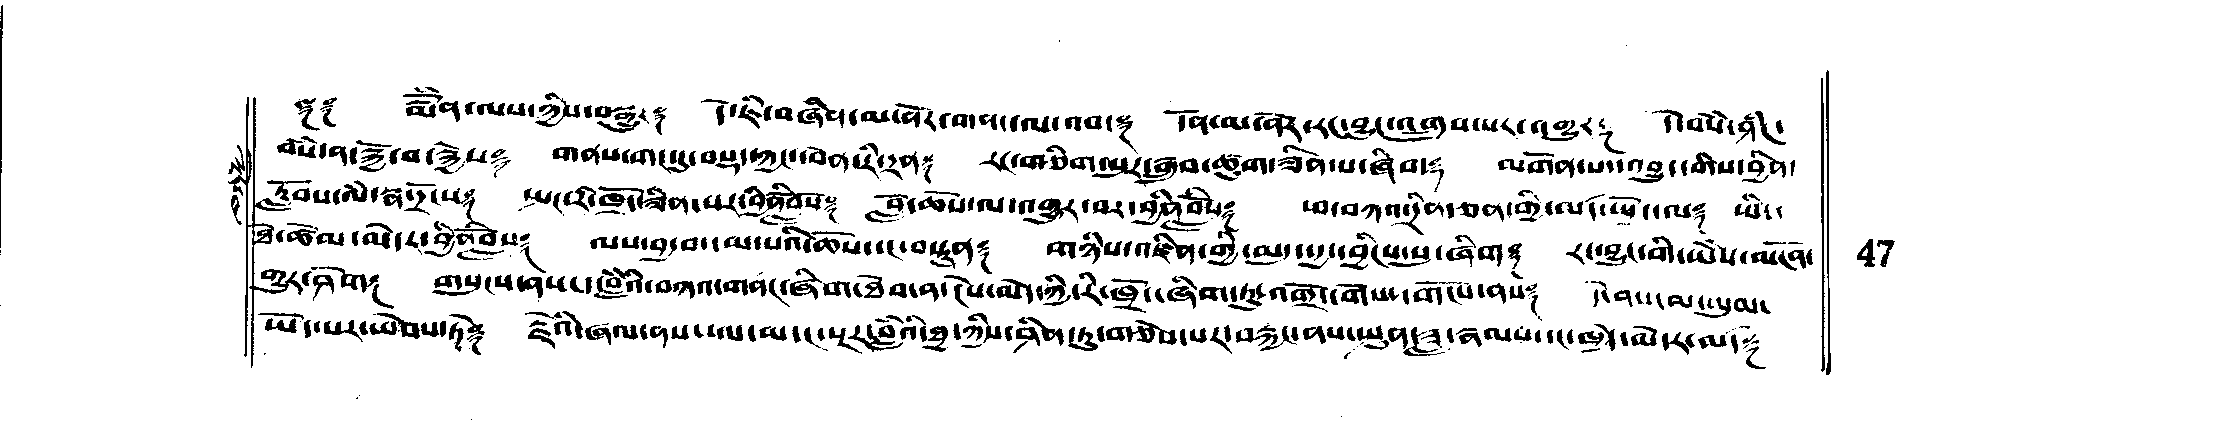སྨོན་ལམ་ལས་ཀྱི་བསྒྱུར། །དེ་ཇི་བཞིན་མ་ནོར་གནད་ལ་འབད། །དོན་མ་ནོར་རང་བྱུང་འགྲུབ་པར་འགྱུར། །དེ་བསམ་ཤིང་
བསམ་ན་སྐྱོ་བ་སྐྱེས། །གནས་གང་དུ་བསྡད་ཀྱང་དབེན་རི་དྲན། །རང་གཅིག་པུར་སྒྲུབ་ཚུགས་ཟིན་པ་ཞིག །མགོན་པད་འབྱུང་གིས་བྱིན་
རློབས་ལམ་སྣ་དྲོངས། །སྤྲང་རི་ཁྲོད་ཟིན་པར་བྱིན་གྱི་རློབས། །བློ་ཆོས་ལ་འགྱུར་བར་བྱིན་གྱི་རློབས། །ཕ་བཀའ་དྲིན་ཅན་གྱི་མཛད་སྤྱོད་ལ། །ཡིད་
ཐེ་ཚོམ་མེད་པར་བྱིན་གྱི་རློབས། །ལས་བྱ་བ་དམ་པའི་ཆོས་དང་བསྟུན། །གཉིས་འཛིན་གྱི་མདུད་རྒྱ་དབྱིངས་སུ་ཞིག །རང་བྱུང་གི་ཡེ་ཤེས་མངོན་
གྱུར་ཤོག །གསུངས་ནས་ད་བླ་མའི་བཀའ་གནང་ཞིག་ཐོབ་ན་ངེས་མེད་ཀྱི་རི་ཁྲོད་ཞིག་ཏུ་འགྲོ་དགོས་དགོངས་ནས། དེ་ནས་མ་ཡུམ་
ཡོད་སར་ཕེབས་ཏེ། རྗེའི་ཞལ་ནས་ཨ་མ་ང་སྔར་བླ་མའི་ཐུགས་ཀྱིས་ཤིན་ཏུ་གཅེས་པར་བསྐྱང་ནས་སྤུན་ཟླ་རྣམས་དང་ཁྱེད་མེད་པར་མཛད།